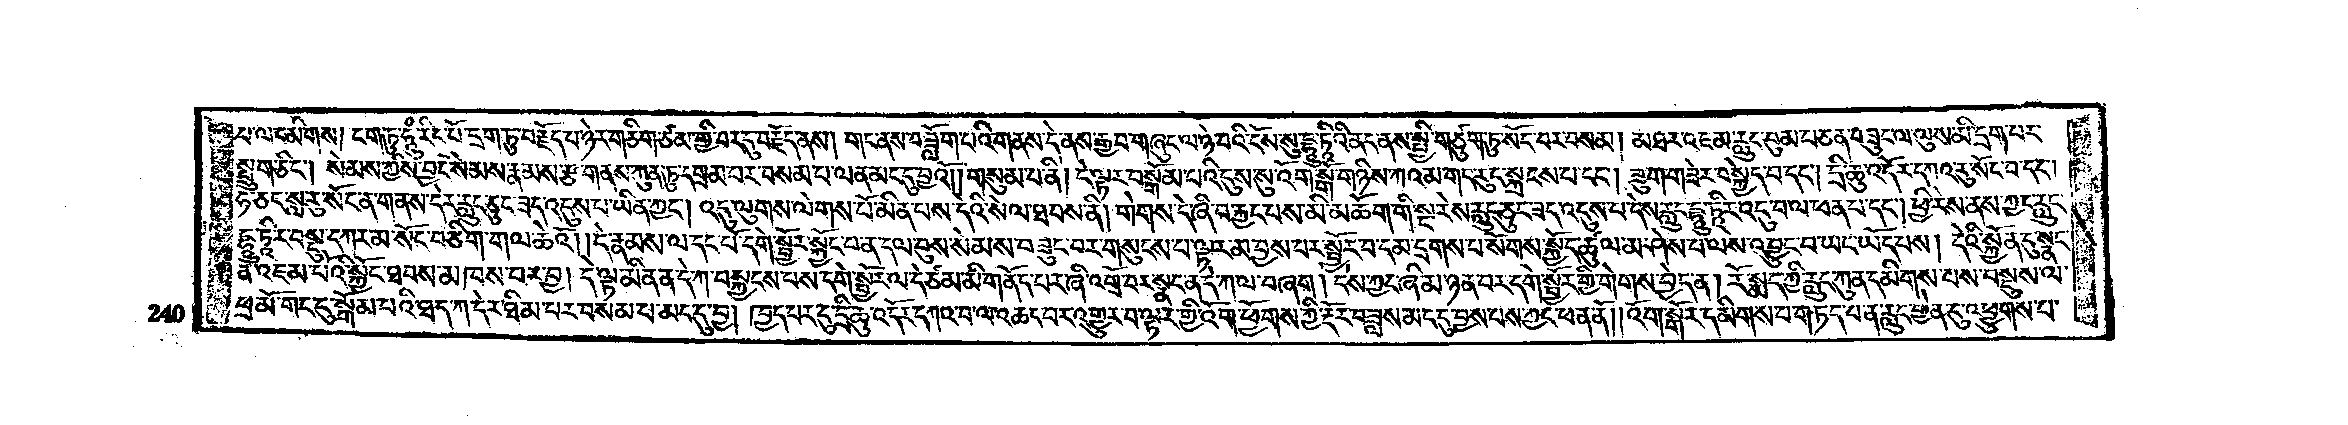པ་ལ་དམིགས། ངག་ཏུ་ཧཱུཾ་རིང་པོ་དྲག་ཏུ་བརྗོད་པ་ཉེར་གཅིག་ཙམ་གྱི་བར་དུ་བརྗོད་ནས། གང་ནས་བཟློག་པའི་གནས་དེ་ནས་རྒྱབ་གཞུང་ལ་ཉེ་བའི་ངོས་སུ་དྷཱུ་ཏཱིའི་ནང་ནས་སྤྱི་གཙུག་ཏུ་སོང་བར་བསམས། མཐར་འཇམ་རླུང་བུམ་པ་ཅན་བཟུང་ལ་ལུས་མི་དྲག་བར་
སྤྲུག་ཅིང་། སེམས་ཀྱིས་བྱང་སེམས་རྣམས་རྩ་གནས་ཀུན་ཏུ་དགྲམ་པར་བསམ་པ་ལན་མང་དུ་བྱའོ། །གསུམ་པ་ནི། དེ་ལྟར་བསྒོམ་པའི་དུས་སུ་འོག་སྒོ་གཉིས་ཀའམ་གང་རུང་སྐྲངས་པ་དང་། ཟུག་གཟེར་བསྐྱེད་པ་དང་། དྲི་ཆུ་འདོར་དཀའ་རུ་སོང་བ་དང་།
ཧ་ཅང་སླ་རུ་སོང་ན་གནས་དེར་རླུང་ཅུང་ཟད་འདུས་པ་ཡིན་ཀྱང་། འདུ་ལུགས་ལེགས་པོ་མིན་པས་དེའི་སེལ་ཐབས་ནི། གེགས་དེ་ཞི་བ་རྐྱང་པས་མི་མཆོག་གི་སྔ་རེས་རླུང་ཅུང་ཟད་འདུས་པ་དེས་རླུང་དྷཱུ་ཏཱིར་འདུ་བ་ལ་ཕན་པ་དང་། ཕྱི་རེས་ནས་ཀྱང་རླུང་
དྷཱུ་ཏཱིར་བསྡུ་དཀར་མ་སོང་བ་ཅིག་གལ་ཆེའོ། །དེ་རྣམས་ལ་དང་པོ་དགེ་སྦྱོར་སྐྱོང་པ་ན་དལ་བུས་སེམས་བཟུང་བར་གསུངས་པ་ལྟར་མ་བྱས་པར་སྦྱོར་བ་དམ་དྲགས་པ་སོགས་སྐྱོང་ཚུལ་མ་ཤེས་པ་ལས་འབྱུང་བ་ཡང་ཡོད་པས། དེའི་སྐྱོན་དུ་སྣང་
ན་འཇམ་པོའི་སྐྱོང་ཐབས་མཁས་པར་བྱ། དེ་ལྟ་མིན་ན་དེ་ཀ་བསྐྱངས་པས་དགེ་སྦྱོར་ལ་དེ་ཙམ་མི་གནོད་པར་ཞི་འགྲོ་བར་སྣང་ན་དེ་ཀ་ལ་བཞག །དེས་ཀྱང་ཞི་མ་ཉན་པར་དགེ་སྦྱོར་གྱི་གེགས་ཕྱེད་ན། རོ་སྨད་ཀྱི་རླུང་ཀུན་དམིགས་པས་བསྡུས་ལ་
ཕྲ་མོ་གང་དུ་སྒོམ་པའི་ཐད་ཀ་དེར་ཐིམ་པར་བསམ་པ་མང་དུ་བྱ། ཁྱད་པར་དུ་དྲི་ཆུ་འདོར་དཀའ་བ་ལ་འཆད་པར་འགྱུར་བ་ལྟར་གྱི་འོག་ཕྱོགས་ཀྱི་རྡོར་བཟླས་མང་དུ་བྱས་པས་ཀྱང་ཕན་ནོ། །འོག་སྒོར་དམིགས་པ་གཏད་པ་ན་རླུང་གྱེན་དུ་འཕྱུགས་པ་